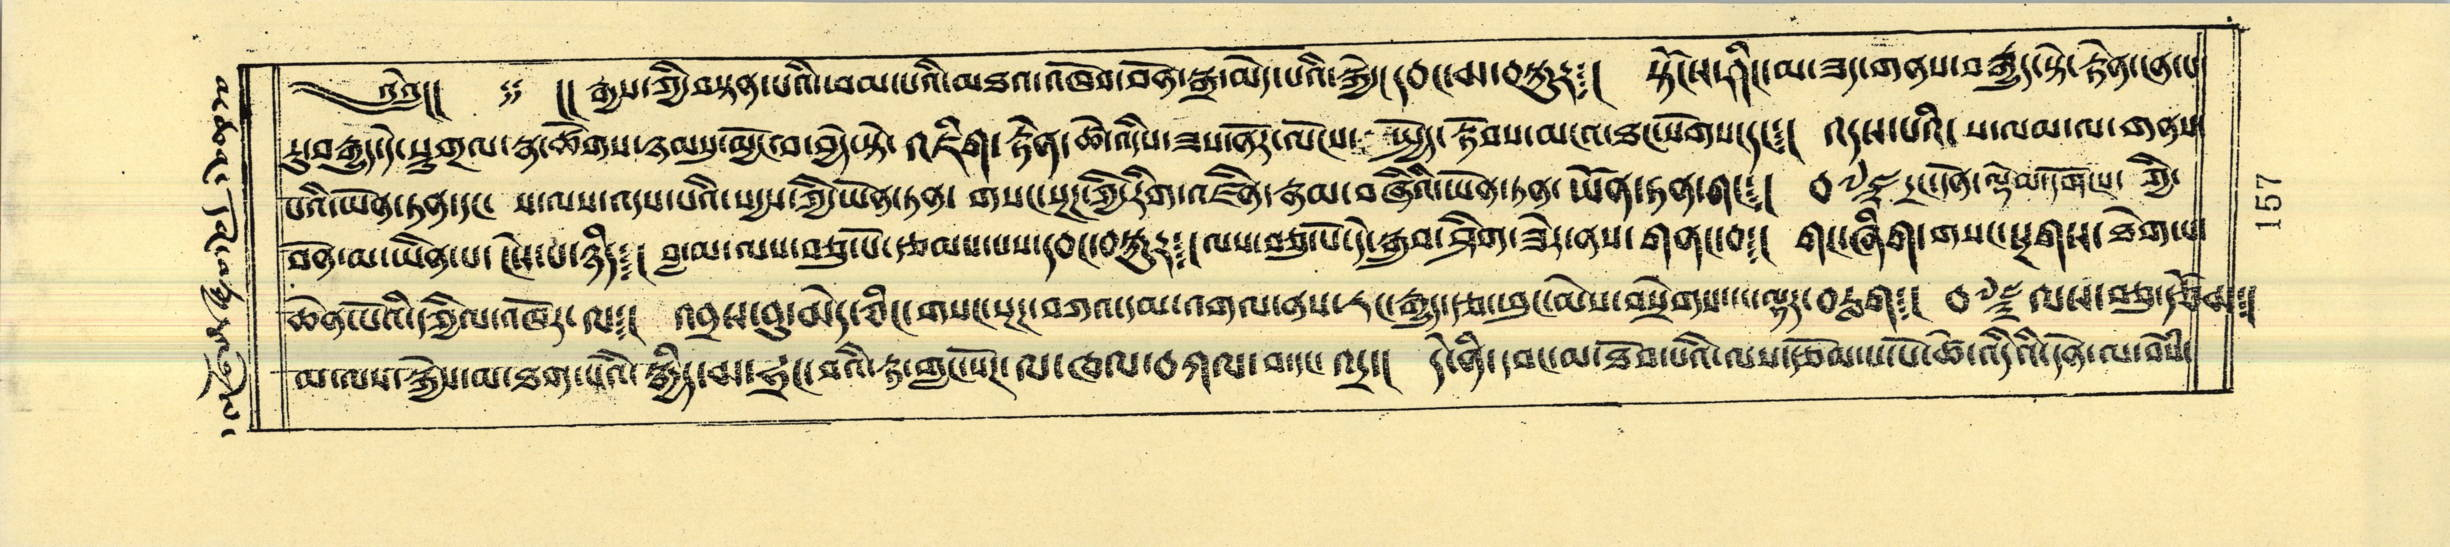རྒྱས་ཀྱི་བསྟན་པའི་ཕམ་པའི་མཐའ་འཁོབ་བོན་སྒྲ་མེད་པའི་སྐྱེ་༼དབང་མ་བསྐུར༽༼སྟོངས་ཤིང༽མ་ཟད་གནས་བརྒྱུད་དེ་རྟེན་ངན་པ་
རུ་བརྒྱུད་དེ་སྡུག་བསྔལ་སྣ་ཚོགས་ཉམས་སུ་མྱོང་བ་བྱེད་དེ།༼འཇིག་རྟེན༽ཚེ་འདིའི་ཟས་ནོར་ལོངས་སྤྱོད་སྟོབས་མངའ་ཐང་སོགས་དང་༼འདས་པའི༽ས་ལམ་ལ་གནས་
པའི་ཡོན་ཏན་དང་། ས་ལས་འདས་པའི་སངས་རྒྱས་ཀྱི་ཡོན་ཏན་གསང་སྔགས་ཀྱི་རིག་འཛིན་རྣམ་བཞིའི་ཡོན་ཏན་༼ཡོན་ཏན་གང༽བ༧༤།༢ དྲང་དོན་ལྡེམ་དགོངས་ཀྱི་
བོན་མ་ཡིན་པ་ ༼ངེས་པ་ཉིད༽བླ་མ་ལས་བཅུ་པོ་བརྩམས་པས་༼དབང་བསྐུར༽ལས་བཅུ་པོ་དེ་སྒྲུབ་ཤིག་ཟེར་ནས་༼གནང་བ༽༼གསང་སྔགས་གང་ཞིག༽ཐེག་པ་
ཆེན་པོའི་དཀྱིལ་འཁོར་༼ལ༽༼འབྲས་བུ་མེད་ཅིང༽གསང་སྔགས་ཐེག་པ་ཆེན་པོའི་དཀྱིལ་འཁོར་༼ལ༽༼འབྲས་བུ་མེད་ཅིང༽གསང་སྔགས་བཀའ་དམ་འགལ་ནས་རང་རྒྱུད་རྩ་ཕུང་མེས་བསྲེགས་པ་ལྟར་༼བརླག༽བ༧༤།༣༼ལས༽བཅུ་༼རྩོམ༽
མ་ལས་སྐྱེས་མ་ཐག་པའི་༼སྒྱིད་མ་ཧྲང༽བའི་རྟ་གླང་སོགས་༼ལ་ཁལ་བཀལ༽བ་དང་༼འདྲ༽༼དེ་ནི༽དབང་མ་ཐོབ་པའི་ལས་རྩོམ་པ་པོ་ཚེ་འདིའི་དོན་ལ་བསམ་